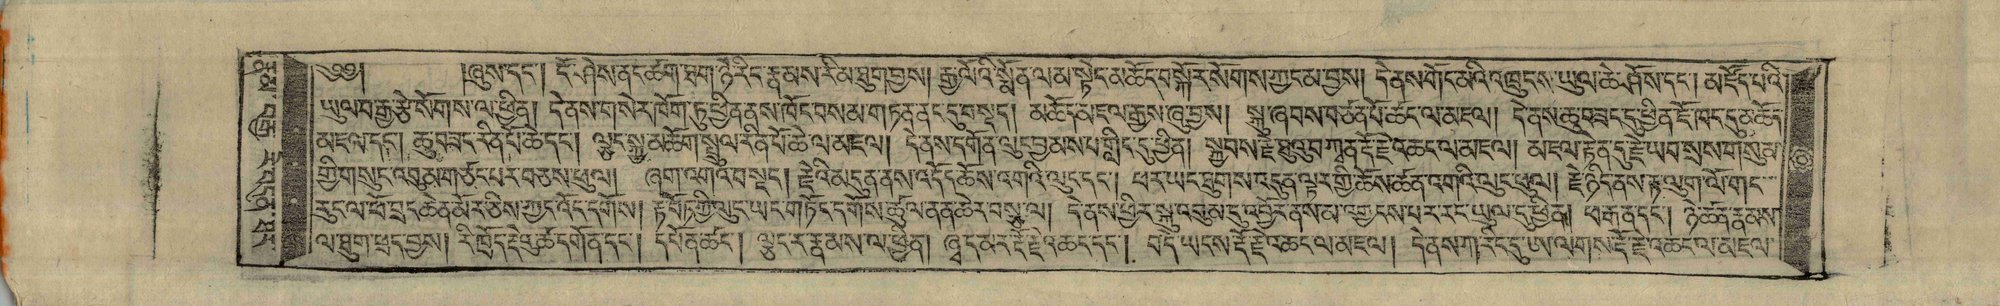༄༅། །ཞུས་དང་། ངོ་ཤེས་ནང་ཚག་ཐག་ཉེ་རིང་རྣམས་རིམ་ཐུག་བྱས། རྒྱ་ལོའི་སྨོན་ལམ་སྟེང་མཆོད་བསྐོར་སོགས་ཀྱང་མ་བྱས། དེ་ནས་གོང་མའི་འཁྲུངས་ཡུལ་ཆེ་ཤོས་དང་། མཛོད་པའི་
ཡུལ་བ་རྒྱ་རྩེ་སོགས་ལ་ཕྱིན། དེ་ནས་གསེར་ཁོག་ཏུ་ཕྱིན་ནས་ཁོང་བསམ་གཏན་ནང་དུ་བསྡད། མཆོད་མཇལ་རྒྱས་ཞུ་བྱས། སྐུ་ཞབས་བཙན་པོ་ཚང་ལ་མཇལ། དེ་ནས་ཆུ་བཟང་དུ་ཕྱིན་ཇོ་ཁང་དུ་མཆོད་
མཇལ་དང་། ཆུ་བཟང་རིན་པོ་ཆེ་དང་། ལྕང་སྐྱ་མཆོག་སྤྲུལ་རིན་པོ་ཆེ་ལ་མཇལ། དེ་ནས་དགོན་ལུང་བྱམས་པ་གླིང་དུ་ཕྱིན། སྐྱབས་རྗེ་ཐུའུ་བཀྭན་རྡོ་རྗེ་འཆང་ལ་མཇལ། མཇལ་རྟེན་དུ་རྗེ་ཡབ་སྲས་གསུམ་
གྱི་གསུང་འབུམ་གཙང་པར་བཅས་ཕུལ། ཞག་འགའ་བསྡད། རྗེའི་མདུན་ནས་འདོད་ཆོས་འགའི་ལུང་དང་། ཕར་ཡང་ཐུགས་འདུན་ལྟར་གྱི་ཆོས་ཚན་འགའི་ལུང་ཕུལ། རྗེ་ཉིད་ནས་རྟ་ལུག་ལོ་གང་
རུང་ལ་ཕོ་བྲང་ཆེན་མོར་ཅིས་ཀྱང་འོང་དགོས། རྟ་བོཏ་?་ཀྱི་ལུང་ཡང་གཏོང་དགོས་ཚུལ་ནན་ཆེར་བསྩལ། དེ་ནས་ཕྱིར་སྐུ་འབུམ་དུ་འབྱོར་ནས་མ་འགྱངས་པར་རང་ཡུལ་དུ་ཕྱིན། ཕ་རྒན་དང་། ཉེ་ཚན་རྣམས་
ལ་ཐུག་ཕྲད་བྱས། རི་ཁྲོད་རྡེའུ་ཚ་དགོན་དང་། དཔོན་ཚང་། ལྕང་ར་རྣམས་ལ་ཕྱིན། ཞྭ་དམར་རྡོ་རྗེ་འཆང་དང་། བདེ་ཡངས་རྡོ་རྗེ་འཆང་ལ་མཇལ། དེ་ནས་ཀ་རིང་དུ་ཨ་ལགས་རྡོ་རྗེ་འཆང་ལ་མཇལ་